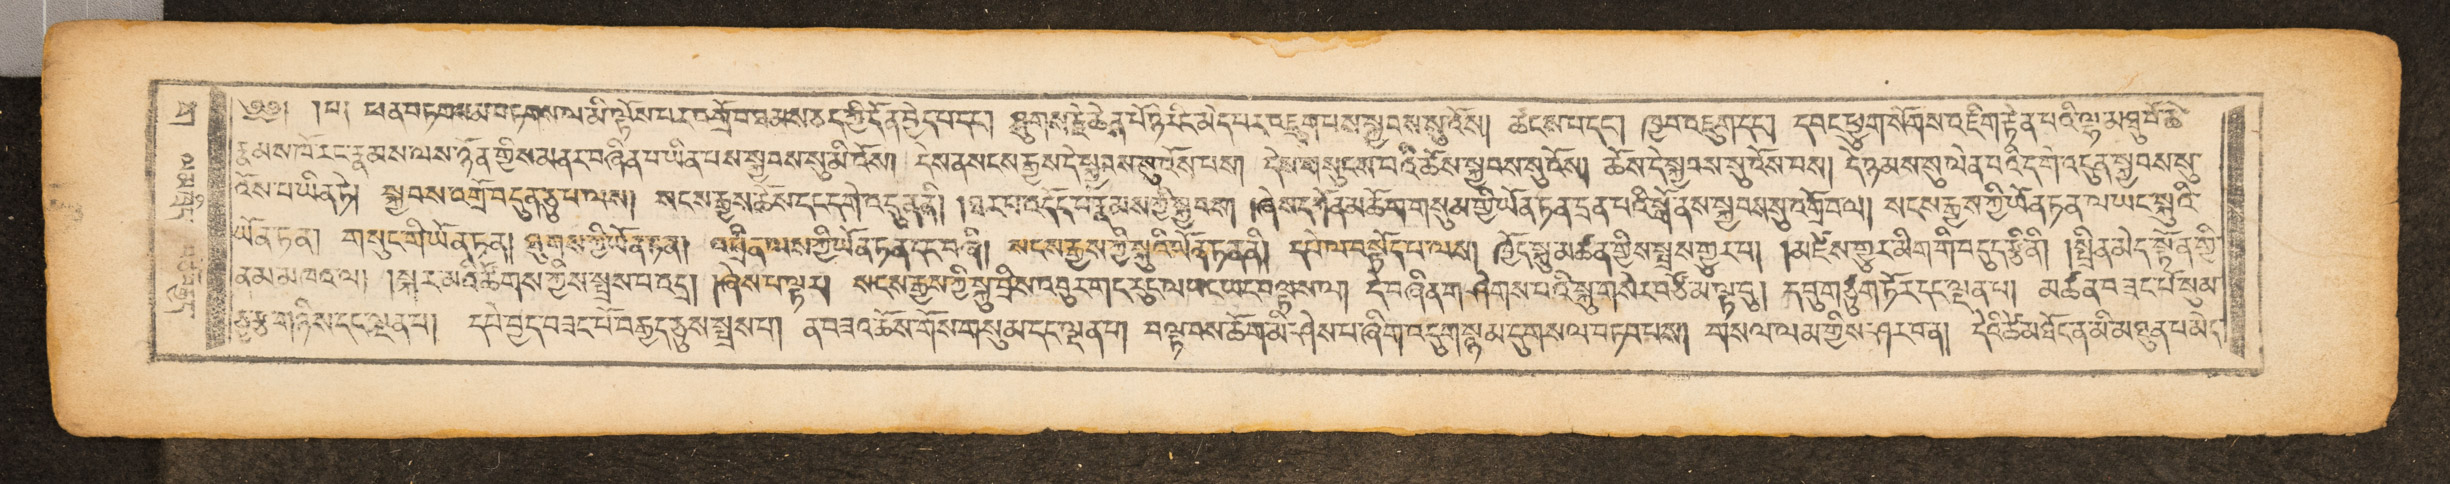༄༅། །བ། ཕན་བཏགས་མ་བཏགས་ལ་མི་ལྟོས་བར་འགྲོ་བ་ཐམས་ཅད་ཀྱི་དོན་བྱེད་པ་དང་། ཐུགས་རྗེ་ཆེན་པོ་ཉེ་རིང་མེད་པར་འཇུག་པས་སྐྱབས་སུ་འོས། ཚངས་པ་དང་། ཁྱབ་འཇུག་དང་། དབང་ཕྱུག་སོགས་འཇིག་རྟེན་པའི་ལྷ་མཐུ་བོ་ཆེ་
རྣམས་ཁོ་རང་རྣམས་ལས་ཉོན་གྱིས་མནར་བཞིན་པ་ཡིན་པས་སྐྱབས་སུ་མི་འོས། དེས་ན་སངས་རྒྱས་དེ་སྐྱབས་སུ་འོས་པས། དེས་གསུངས་པའི་ཆོས་སྐྱབས་སུ་འོས། ཆོས་དེ་སྐྱབས་སུ་འོས་པས། དེ་ཉམས་སུ་ལེན་པའི་དགེ་འདུན་སྐྱབས་སུ་
འོས་པ་ཡིན་ཏེ། སྐྱབས་འགྲོ་བདུན་ཅུ་པ་ལས། སངས་རྒྱས་ཆོས་དང་དགེ་འདུན་ནི། །ཐར་བ་འདོད་པ་རྣམས་ཀྱི་སྐྱབས། །ཞེས་དཀོན་མཆོག་གསུམ་གྱི་ཡོན་ཏན་དྲན་པའི་སྒོ་ནས་སྐྱབས་སུ་འགྲོ་བ་ལ། སངས་རྒྱས་ཀྱི་ཡོན་ཏན་ལ་ཡང་སྐུའི་
ཡོན་ཏན། གསུང་གི་ཡོན་ཏན། ཐུགས་ཀྱི་ཡོན་ཏན། འཕྲིན་ལས་ཀྱི་ཡོན་ཏན་དང་བཞི། སངས་རྒྱས་ཀྱི་སྐུའི་ཡོན་ཏན་ནི། དཔེ་ལ་བསྟོད་པ་ལས། ཁྱོད་སྐུ་མཚན་གྱིས་སྤྲས་གྱུར་བ། །མཛེས་གྱུར་མིག་གི་བདུད་རྩི་ནི། །སྤྲིན་མེད་སྟོན་གྱི་
ནམ་མཁའ་ལ། །སྐར་མའི་ཚོགས་ཀྱིས་སྤྲས་པ་འདྲ། །ཞེས་པ་ལྟར། སངས་རྒྱས་ཀྱི་སྐུ་བྲིས་འབུར་གང་རུང་ལ་ཡང་ཡང་བལྟས་ལ། དེ་བཞིན་གཤེགས་པའི་སྐུ་གསེར་བཙོམ་ལྟ་བུ། དབུ་གཙུག་ཏོར་དང་ལྡན་པ། མཚན་བཟང་པོ་སུམ་
ཅུ་རྩ་གཉིས་དང་ལྡན་པ། དཔེ་བྱད་བཟང་པོ་བརྒྱད་ཅུས་སྤྲས་པ། ན་བཟའ་ཆོས་གོས་གསུམ་དང་ལྡན་པ། བལྟ་བས་ཆོག་མི་ཤེས་པ་ཞིག་འདུག་སྙམ་དུ་གསོལ་བཏབ་བས། གསལ་ལམ་གྱིས་ཤར་བ་ན། དེའི་ཚེ་མཐོང་ན་མི་མཐུན་པ་མེད་